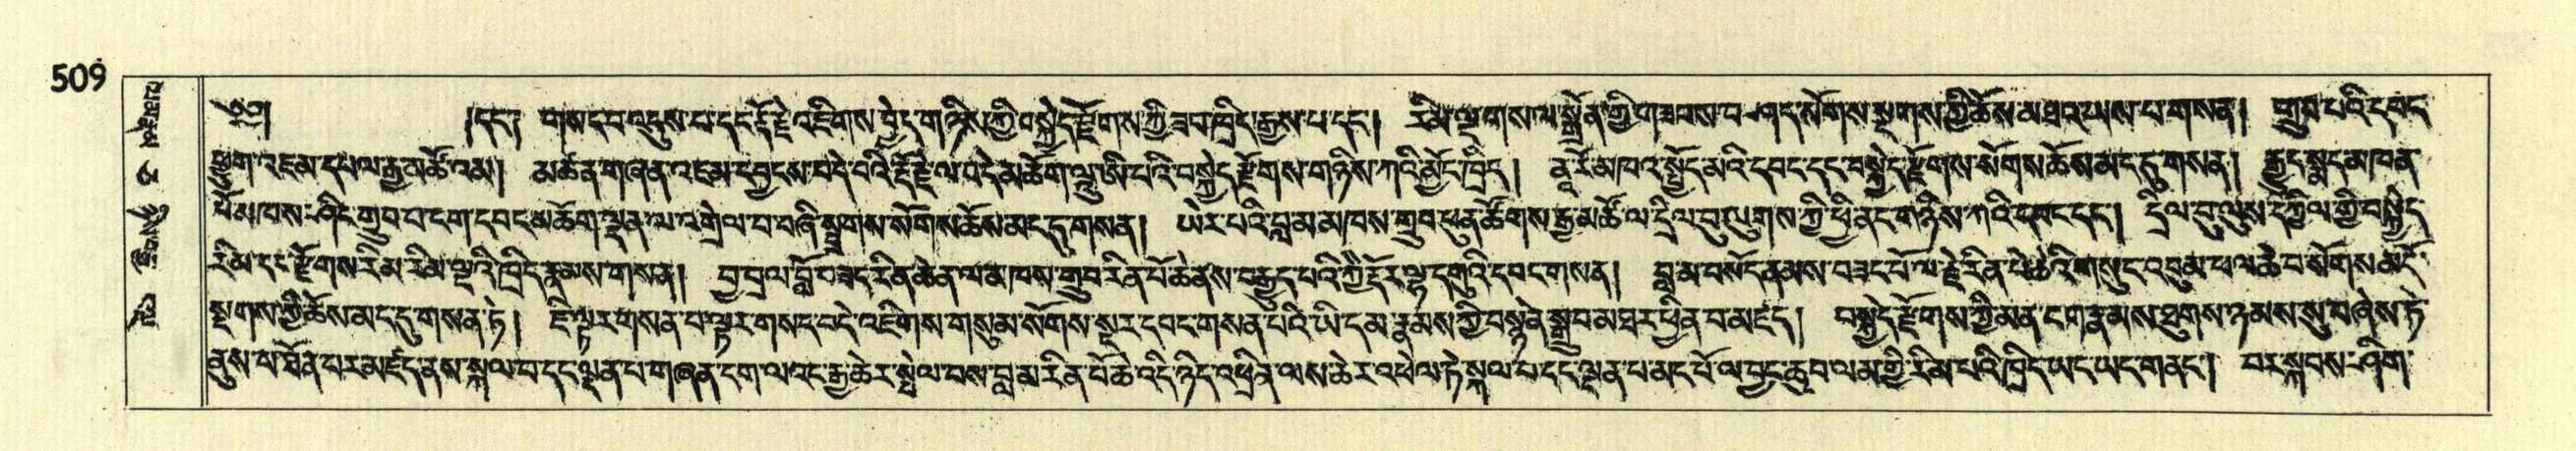༄༅། །དང༑ གསང་བ་འདུས་པ་དང་རྡོ་རྗེ་འཇིགས་བྱེད་གཉིས་ཀྱི་བསྐྱེད་རྫོགས་ཀྱི་ཟབ་ཁྲིད་རྒྱས་པ་དང་། རིམ་ལྡགས་ལ་སྒྲོན་གྱི་གཟབས་བཤད་སོགས་བསྔགས་ཀྱི་ཆོས་མཐའ་ཡས་པ་གསན། གྲུབ་པའི་དབང་
ཕྱུག་འཇམ་དཔལ་རྒྱ་མཚོ་འམ། མཚན་གཞན་འཇམ་དབྱངས་བདེ་བའི་རྡོ་རྗེ་ལ་བདེ་མཆོག་ལཱུ་ཨི་པའི་བསྐྱེད་རྫོགས་གཉིས་ཀའི་མྱོང་ཁྲིད། ནཱ་རོ་མཁའ་སྤྱོད་མའི་དབང་དང་བསྐྱེད་རྫོགས་སོགས་ཆོས་མང་དུ་གསན། རྒྱུད་སྨད་མཁན་
པོ་མཁས་ཤིང་གྲུབ་པ་ངག་དབང་མཆོག་ལྡན་ལ་འགྲེལ་བ་བཞི་སྦྲགས་སོགས་ཆོས་མང་དུ་གསན། ཡེར་པའི་བླ་མ་མཁས་གྲུབ་ཕུན་ཚོགས་རྒྱ་མཚོ་ལ་དྲིལ་བུ་ལུགས་ཀྱི་ཕྱི་ནང་གཉིས་ཀའི་དབང་དང་། དྲིལ་བུ་ལུས་དཀྱིལ་གྱི་བསྐྱེད་
རིམ་དང་རྫོགས་རིམ་ལྔའི་ཁྲིད་རྣམས་གསན། བྱ་བྲལ་བློ་བཟང་རིན་ཆེན་ལ་མཁས་གྲུབ་རིན་པོ་ཆེ་ནས་བརྒྱུད་པའི་ཀྱཻ་རྡོར་ལྷ་དགུའི་དབང་གསན། བླ་མ་བསོད་ནམས་བཟང་པོ་ལ་རྗེ་རིན་པོ་ཆེའི་གསུང་འབུམ་ཕལ་ཆེ་བ་སོགས་མདོ་
སྔགས་ཀྱི་ཆོས་མང་དུ་གསན་ཏེ། ཇི་ལྟར་གསན་བ་ལྟར་གསང་བདེ་འཇིགས་གསུམ་སོགས་སྔར་དབང་གསན་པའི་ཡི་དམ་རྣམས་ཀྱི་བསྙེན་སྒྲུབ་མཐར་ཕྱིན་བ་མཛད། བསྐྱེད་རྫོགས་ཀྱི་མན་ངག་རྣམས་ཐུགས་ཉམས་སུ་བཞེས་ཏེ་
ནུས་པ་ཐོན་པར་མཛད་ནས་སྐལ་བ་དང་ལྡན་པ་གཞན་དག་ལའང་རྒྱ་ཆེར་སྤེལ་བས་བླ་མ་རིན་པོ་ཆེ་འདི་ཉིད་འཕྲིན་ལས་ཆེར་འཕེལ་ཏེ་སྐལ་བ་དང་ལྡན་པ་མང་པོ་ལ་བྱང་ཆུབ་ལམ་གྱི་རིམ་པའི་ཁྲིད་ཡང་ཡང་གནང་། བར་སྐབས་ཤིག་